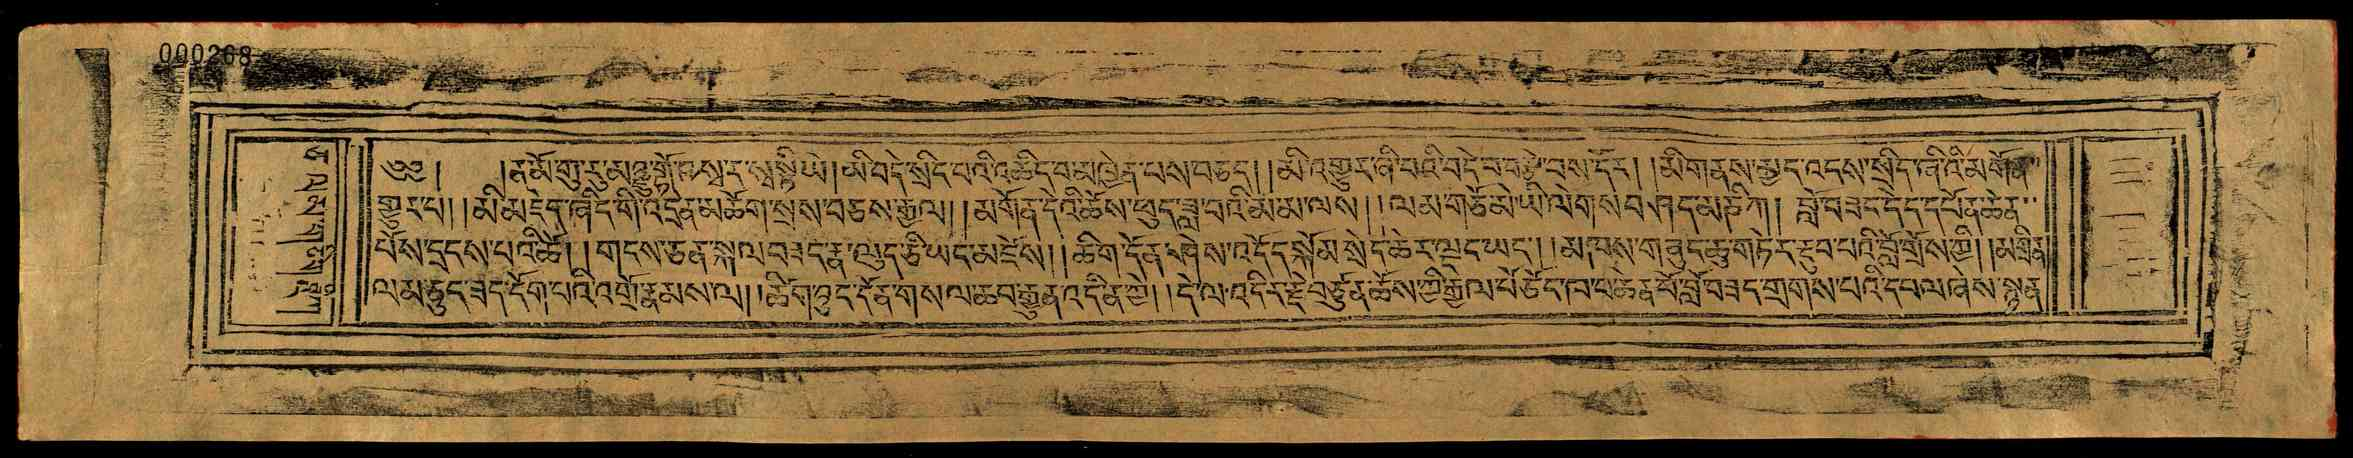༄༅། །ན་མོ་གུ་རུ་མཉྫུ་གྷོ་ཥ་སྭ་ར་སྭ་སྟི་ཡེ། མི་བདེ་སྲིད་པའི་འཆིང་བ་མཁྱེན་པས་བཅད། །མི་འགྱུར་ཞི་བའི་བདེ་བ་བརྩེ་བས་ངོར། །མི་གནས་མྱང་འདས་སྲིད་ཞིའི་མགོན་་་
གྱུར་པ། །མི་མཇེད་ཞིང་གི་འདྲེན་མཆོག་སྲས་བཅས་རྒྱལ། །མགོན་དེའི་ཆོས་ཕུང་ཟླ་བའི་མ་མ་ལས། །ལམ་གཙོ་མེ་ཡི་ལེགས་བཤད་མ་ཎི་ཀ། བློ་བཟང་དང་དཔོན་ཆེན་
པོས་དྲངས་པའི་ཚེ། །གངས་ཅན་སྐལ་བཟང་རྣ་ལུང་ཅི་ཡང་མཛེས། །ཚིག་དོན་ཤེས་འདོད་སྐོམ་སྲེད་ཆེར་ལྔད་ཡང་། །མཁས་གཞུང་ཆུ་གཏེར་རྡུབ་པའི་བློ་གྲོས་ཀྱི། །མགྲིན་
ལམ་ཅུང་ཟད་དོག་པའི་འགྲོ་རྣམས་ལ། །ཚིག་ཉུང་དོན་གསལ་ཆབ་རྒྱུན་འདི་ན་ཀྱེ། །དེ་ལ་འདིར་རྗེ་བཙུན་ཆོས་ཀྱི་རྒྱལ་པོ་ཙོད་ཁ་པ་ཆེན་པོ་བློ་བཟང་གྲགས་པའི་དཔལ་ཞེས་སྙན་